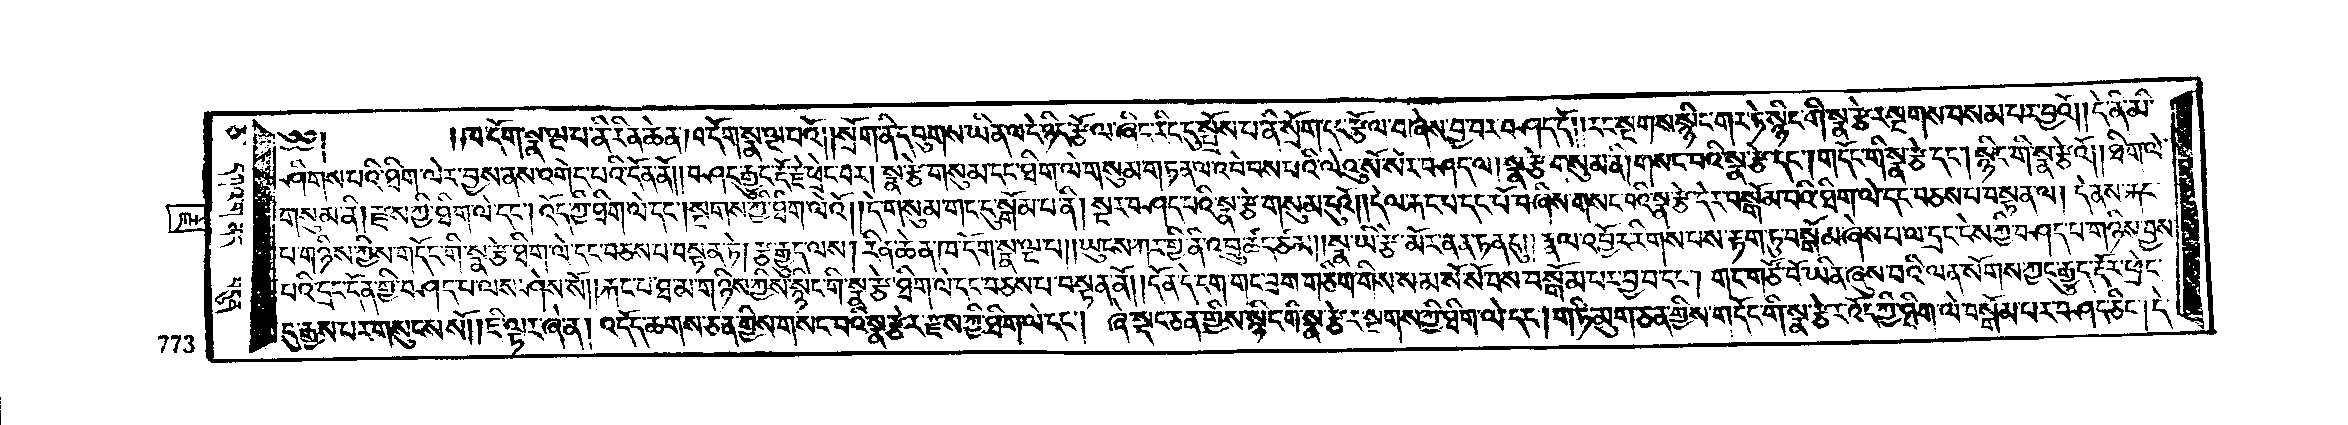༄༅། །ཁ་དོག་སྣ་ལྔ་པ་ནི་རིན་ཆེན་ཁ་དོག་སྣ་ལྔ་པའོ། །སྲོག་ནི་དབུགས་ཡིན་ལ་དེ་ཉིད་རྩོལ་ཞིང་རིང་དུ་སྤྲོས་པ་ནི་སྲོག་དང་རྩོལ་བ་ཞེས་བྱ་བར་བཤད་དོ། །རང་སྔགས་སྙིང་གར་ཏེ་སྙིང་གི་སྣ་རྩེར་སྔགས་བསམ་པར་བྱའོ། །དེ་ནི་མི་
ཤིགས་པའི་ཐིག་ལེར་བྱས་ནས་འགོད་པའི་དོན་ནོ། །བཤད་རྒྱུད་རྡོ་རྗེ་ཕྲེང་བར། སྣ་རྩེ་གསུམ་དང་ཐིག་ལེ་གསུམ་གཏན་ལ་འབེབས་པའི་ལེའུ་སོ་སོར་བཤད་ལ། སྣ་རྩེ་གསུམ་ནི། གསང་བའི་སྣ་རྩེ་དང་། གདོང་གི་སྣ་རྩེ་དང་། སྙིང་གི་སྣ་རྩེའོ། །ཐིག་ལེ་
གསུམ་ནི། རྫས་ཀྱི་ཐིག་ལེ་དང་། འོད་ཀྱི་ཐིག་ལེ་དང་། སྔགས་ཀྱི་ཐིག་ལེའོ། །དེ་གསུམ་གང་དུ་སྒོམ་པ་ནི། སྔར་བཤད་པའི་སྣ་རྩེ་གསུམ་དུའོ། །དེ་ལ་རྐང་པ་དང་པོ་བཞིས་གསང་བའི་སྣ་རྩེ་དེར་བསྒོམ་པའི་ཐིག་ལེ་དང་བཅས་པ་བསྟན་ལ། དེ་ནས་རྐང་
པ་གཉིས་ཀྱིས་གདོང་གི་སྣ་རྩེ་ཐིག་ལེ་དང་བཅས་པ་བསྟན་ཏེ། རྩ་རྒྱུད་ལས། རིན་ཆེན་ཁ་དོག་སྣ་ལྔ་པ། །ཡུངས་ཀར་གྱི་ནི་འབྲུ་ཚད་ཙམ། །སྣ་ཡི་རྩེ་མོར་ནན་ཏན་དུ། །རྣལ་འབྱོར་རིགས་པས་རྟག་ཏུ་བསྒོམ་ཞེས་པ་ལ་དྲང་ངེས་ཀྱི་བཤད་པ་གཉིས་བྱས་
པའི་དྲང་དོན་གྱི་བཤད་པ་ལས་ཤེས་སོ། །རྐང་པ་ཐ་མ་གཉིས་ཀྱིས་སྙིང་གི་སྣ་རྩེ་ཐིག་ལེ་དང་བཅས་པ་བསྟན་ནོ། །དོན་དེ་དག་གང་ཟག་གཅིག་གིས་སམ་སོ་སོ་བས་བསྒོམ་པར་བྱ་བ་དང་། གང་གཙོ་བོ་ཡིན་ཞུས་པའི་ལན་སོགས་ཀྱང་རྒྱུད་རྡོར་ཕྲེང་
དུ་རྒྱས་པར་གསུངས་སོ། །ཇི་ལྟར་ཞེ་ན། འདོད་ཆགས་ཅན་གྱིས་གསང་བའི་སྣ་རྩེར་རྫས་ཀྱི་ཐིག་ལེ་དང་། ཞེ་སྡང་ཅན་གྱིས་སྙིང་གི་སྣ་རྩེར་སྔགས་ཀྱི་ཐིག་ལེ་དང་། གཏི་མུག་ཅན་གྱིས་གདོང་གི་སྣ་རྩེར་འོད་ཀྱི་ཐིག་ལེ་བསྒོམ་པར་བཤད་ཅིང་། དེ་